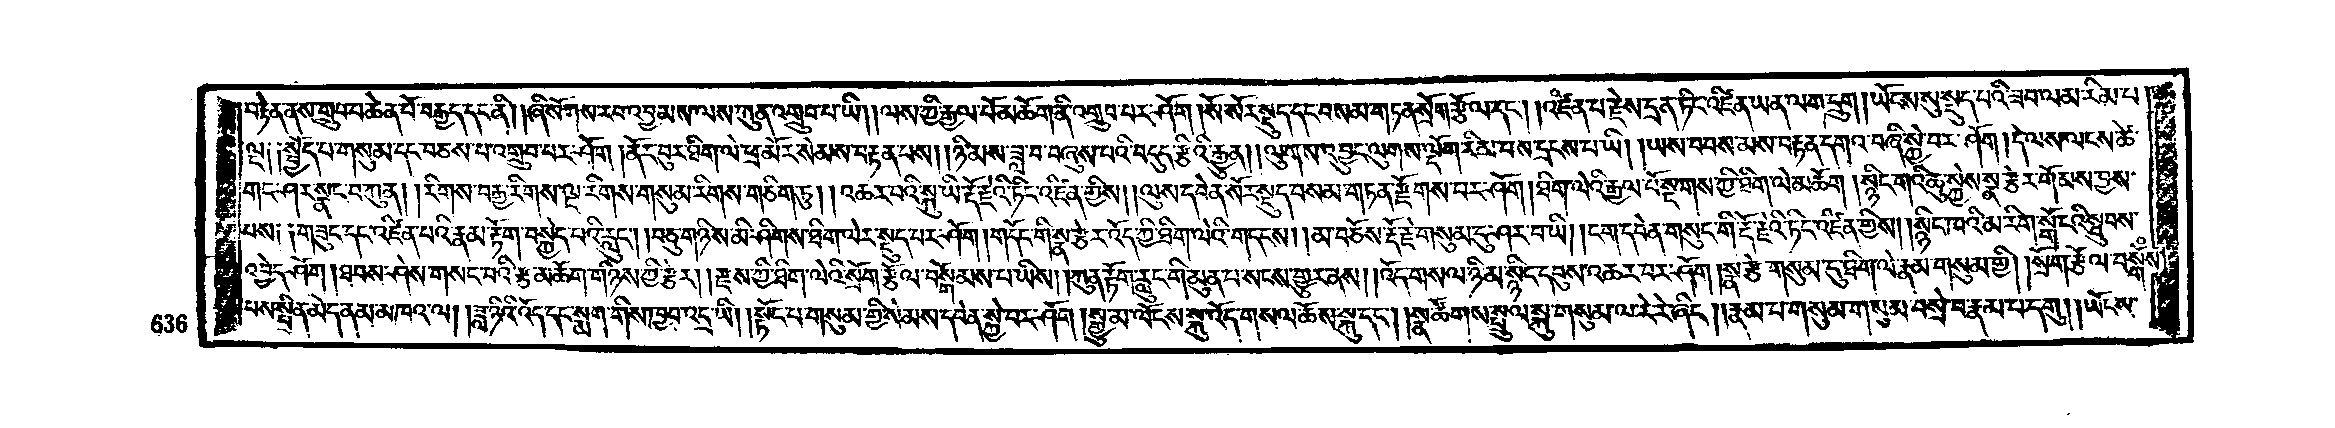བརྟེན་ནས་གྲུབ་པ་ཆེན་པོ་བརྒྱད་དང་ནི། །ཞི་སོགས་རབ་འབྱམས་ལས་ཀུན་འགྲུབ་པ་ཡི། །ལས་ཀྱི་རྒྱལ་པོ་མཆོག་ནི་འགྲུབ་པར་ཤོག །སོ་སོར་སྡུད་དང་བསམ་གཏན་སྲོག་རྩོལ་དང་། །འཛིན་པ་རྗེས་དྲན་ཏིང་འཛིན་ཡན་ལག་དྲུག །ཡོངས་སུ་སྡུད་པའི་ཟབ་ལམ་རིམ་པ་
ལྔ། །སྤྱོད་པ་གསུམ་དང་བཅས་པ་འགྲུབ་པར་ཤོག །ནོར་བུར་ཐིག་ལེ་ཕྲ་མོར་སེམས་བརྟན་པས། །ཉི་མས་ཟླ་བ་བཞུས་པའི་བདུད་རྩིའི་རྒྱུན། །ལུགས་འབྱུང་ལུགས་ལྡོག་རིམ་པས་དྲངས་པ་ཡི། །ཡས་བབས་མས་བརྟན་དགའ་བཞི་སྐྱེ་བར་ཤོག །དེ་ལས་ལངས་ཚེ་
གང་ཤར་སྣང་བ་ཀུན། །རིགས་བརྒྱ་རིགས་ལྔ་རིགས་གསུམ་རིགས་གཅིག་ཏུ། །འཆར་བའི་སྐུ་ཡི་རྡོ་རྗེའི་ཏིང་འཛིན་གྱིས། །ལུས་དབེན་སོར་སྡུད་བསམ་གཏན་རྫོགས་པར་ཤོག །ཐིག་ལེའི་རྒྱལ་པོ་སྔགས་ཀྱི་ཐིག་ལེ་མཆོག །སྙིང་གའི་ཆུ་སྐྱེས་སྣ་རྩེར་གོམས་བྱས་
པས། །གཟུང་དང་འཛིན་པའི་རྣམ་རྟོག་བསྐྱེད་པའི་རླུང་། །བཅུ་གཉིས་མི་ཤིགས་ཐིག་ལེར་སྡུད་པར་ཤོག །གདོང་གི་སྣ་རྩེར་འོད་ཀྱི་ཐིག་ལེའི་གདངས། །མ་བཅོས་རྡོ་རྗེ་གསུམ་དུ་ཤར་བ་ཡི། །ངག་དབེན་གསུང་གི་རྡོ་རྗེའི་ཏིང་འཛིན་གྱིས། །སྙིང་ཁའི་མ་རིག་སྒོ་ངའི་སྦུབས་
འབྱེད་ཤོག །ཐབས་ཤེས་གསང་བའི་རྩ་མཆོག་གཉིས་ཀྱི་རྩེར། །རྫས་ཀྱི་ཐིག་ལེའི་སྲོག་རྩོལ་བསྒོམས་པ་ཡིས། །ཀུན་རྟོག་རླུང་གི་མུན་པ་སངས་གྱུར་ནས། །འོད་གསལ་ཉི་མ་སྙིང་དབུས་འཆར་བར་ཤོག །སྣ་རྩེ་གསུམ་དུ་ཐིག་ལེ་རྣམ་གསུམ་གྱི། །སྲོག་རྩོལ་བསྒོམས་
པས་སྤྲིན་མེད་ནམ་མཁའ་ལ། །ཟླ་ཉིའི་འོད་དང་སྨག་གིས་ཁྱབ་འདྲ་ཡི། །སྟོང་པ་གསུམ་གྱི་སེམས་དབེན་སྐྱེ་བར་ཤོག །སྒྱུ་མ་ལོངས་སྐུ་འོད་གསལ་ཆོས་སྐུ་དང་། །སྣ་ཚོགས་སྤྲུལ་སྐུ་གསུམ་ལ་རེ་རེ་ཞིང་། །རྣམ་པ་གསུམ་གསུམ་བསྲེ་བ་རྣམ་པ་དགུ། །ཡོངས་